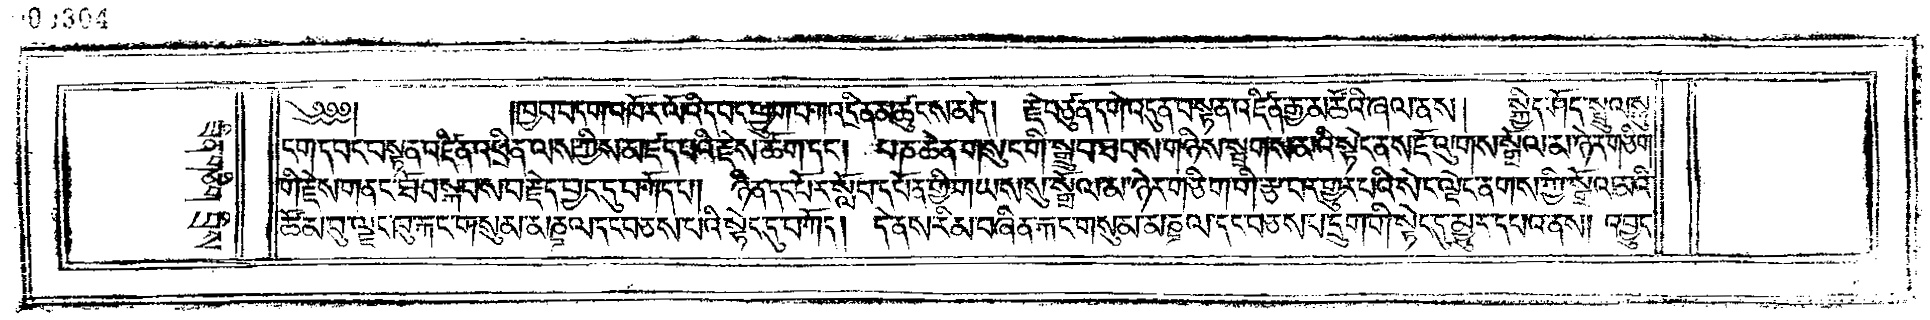༄༅༅། །ཁྱབ་བདག་འཁོར་ལོའི་དབང་ཕྱུག་བཀའ་དྲིན་མཚུངས་མེད། རྗེ་བཙུན་དགེ་འདུན་བསྟན་འཛིན་རྒྱ་མཚོའི་ཞལ་ནས། སྐྱིད་ཤོད་སྤྲུལ་སྐུ་
ངག་དབང་བསྟན་འཛིན་འཕྲིན་ལས་ཀྱིས་མཛད་པའི་རྗེས་ཆོག་དང་། པཎ་ཆེན་གསུང་གི་སྒྲུབ་ཐབས་གཉིས་སྦྲགས་མའི་སྟེང་ནས་ཇོ་ལུགས་སྒྲོལ་མ་ཉེར་གཅིག་
གི་རྗེས་གནང་ཐོབ་སྐབས་བརྗེད་བྱང་དུ་བཀོད་པ། ཉིན་དང་པོར་སློབ་དཔོན་གྱི་གཡས་སུ་སྒྲོལ་མ་ཉེར་གཅིག་གི་རྩ་བར་གྱུར་པའི་སེང་ལྡེང་ནགས་ཀྱི་སྒྲོལ་མའི་
ཚོམ་བུ་ལྗང་ཁུ་རྐང་གསུམ་མཎྜལ་དང་བཅས་པའི་སྟེང་དུ་བཀོད། དེ་ནས་རིམ་བཞིན་རྐང་གསུམ་མཎྜལ་དང་བཅས་པ་དྲུག་གི་སྟེང་དུ་མྱུར་དཔའ་ནས། འབྱུང་